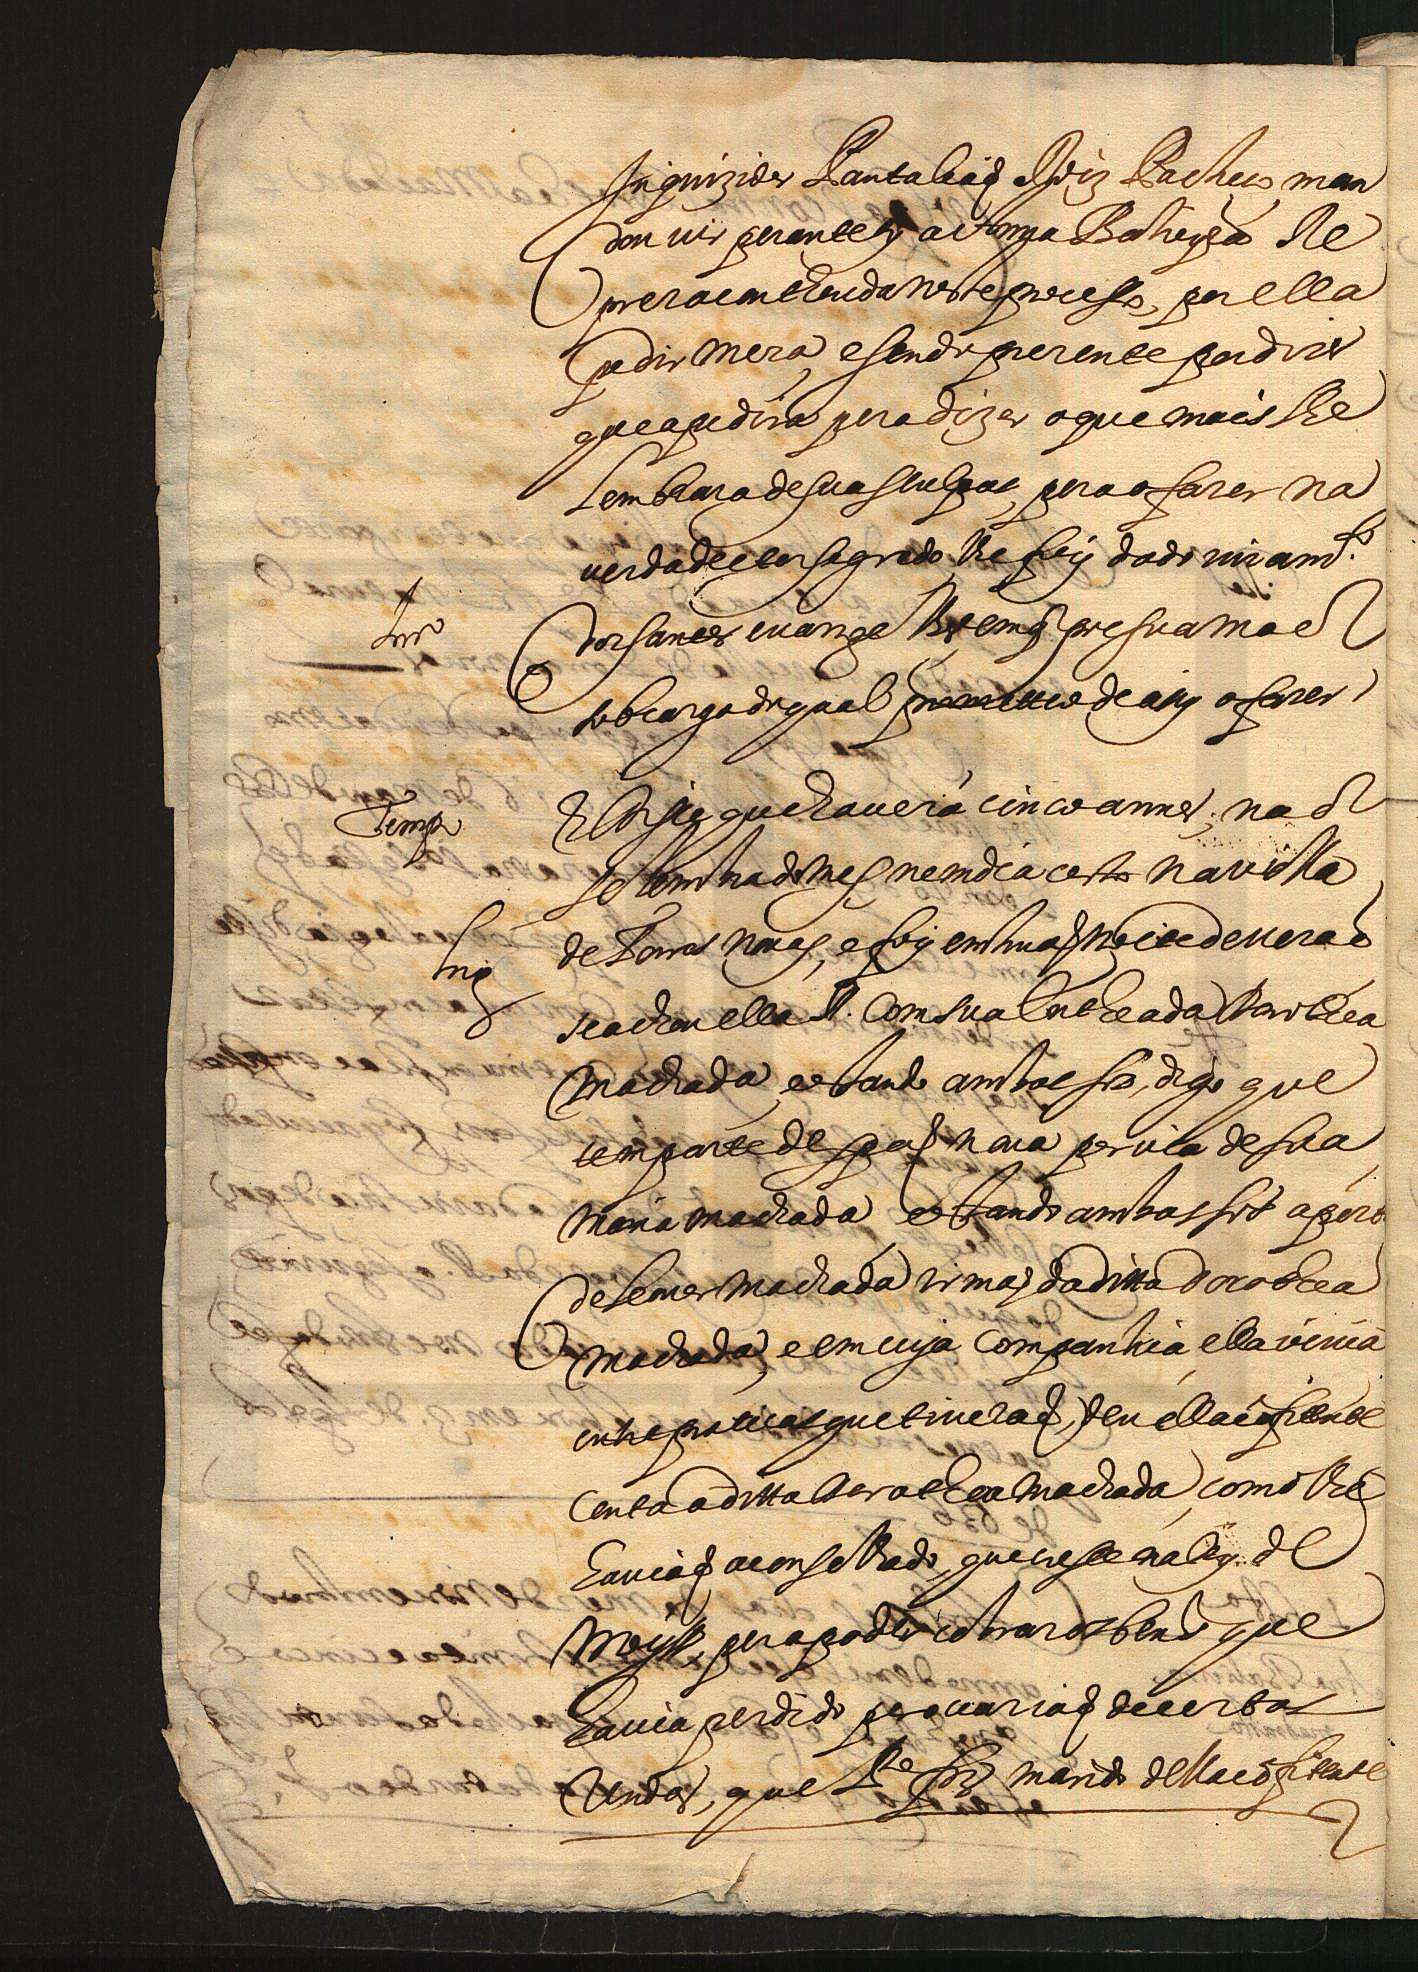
Jnquizidor Pantaliaõ Roiz Pacheco, man
dou uir perante sy a Anna Balieyra Re
preza contheuda neste processo, por ella
pedir meza, e sendo prezente por dizer
que pedira pera dizer o que mais lhe
Lembrara de suas culpas, pera o fazer na
uerdade, e ter segredo, lhe foy dado iuram.to
doz santos euangelhos, em que pos sua maõ,
sob cargo do qual prometteo de assy o fazer
E disse que hauerá cinco annos; naõ
se lembra do mes, nem dia certo na villa
de Torres nouas, e foy em huā noite de ueraõ,
se achou ella R. com sua Entheada Dorothea
Machada, estando ambas sos, digo que
tem parte de xpā noua por uia de sua,
Maria machada, e estando ambas sos a port
de leonor machada irmā da ditta Dorothea
machada, e em cuja companhia, ella viuia
entre praticas que tiueraõ, deu ella cōfitente
conta á ditta Dorothea machada, como lhe
hauiaõ aconselhado, que cresse na ley de
Moyses, pera poder cobrar os bens que
hauia perdido per occaziaõ de certas
Vendas, que Po frz̄ marido della cōfitente
